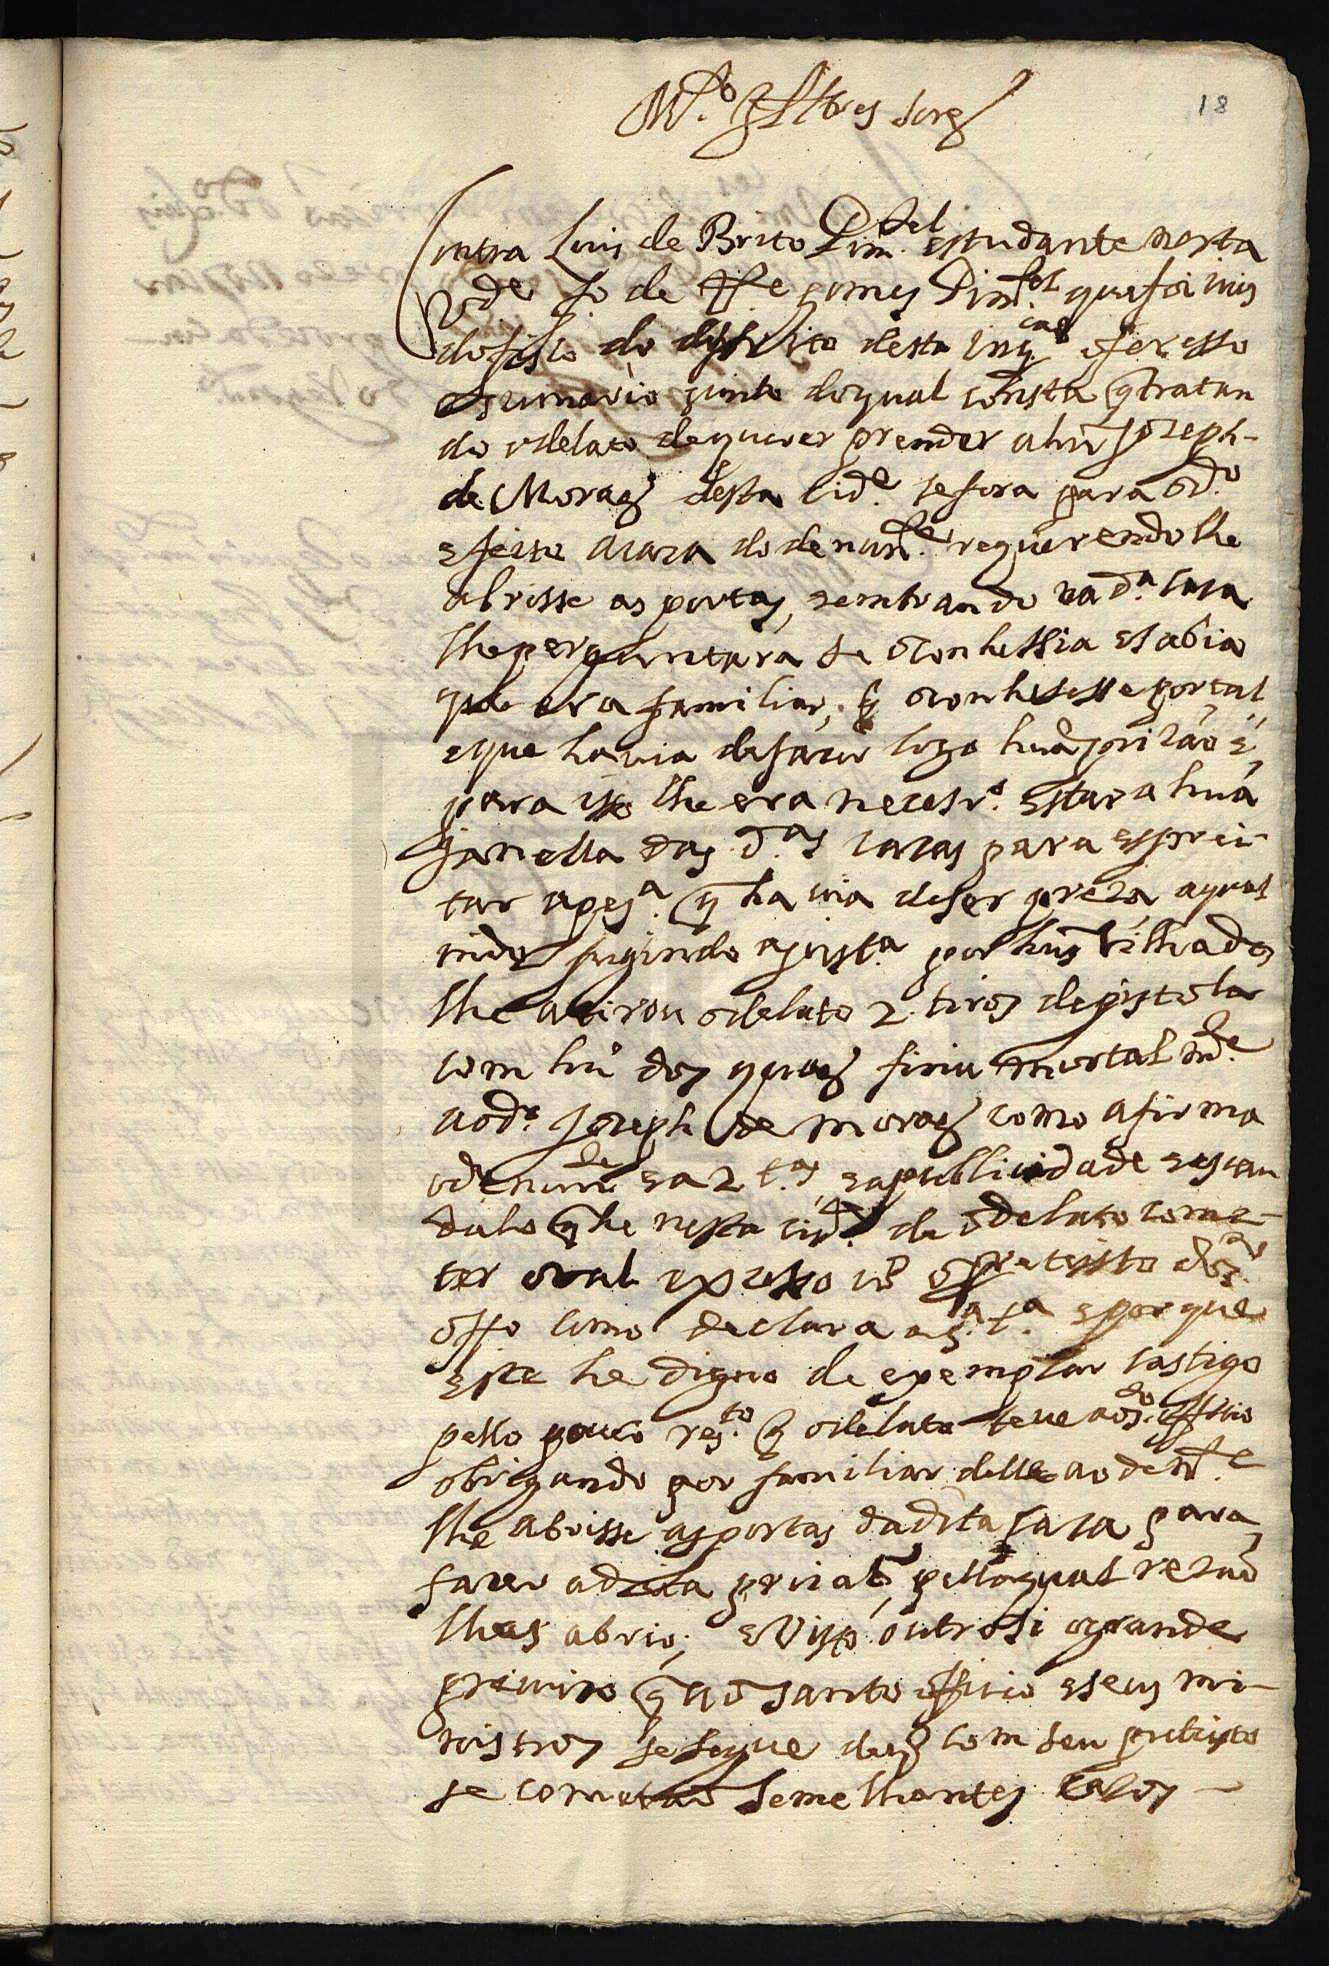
18
M.to Illtres Sores
Contra Luis de Brito Pim.tel Estudante nesta
V.de f.o de V.te Gomes Pim.tel que foi iuis
do fisco do distrito desta Inq.çaõ oferesso
o sumario junto do qual consta q̄ tratan
do o delato de querer prender a hū Jozeph
de Moraes desta Cid.e se fora para o d.o
Efeito a caza do denun.te requerendolhe
abrisse as portas, E emtrando na d.a caza
lhe perguntara se o conhessia E sabia
que era familiar, q̄ o conhesesse por tal
E que hauia de fazer logo huā prizaõ E
para isso lhe era necesr.o Estar a huā
janella das d.as cazas para Esprei
tar a pes.a q̄ hauia de ser preza, a qual
indo fugindo a just.a por hūs tilhados
lhe a tirou o delato 2 tiros de pistola
com hū dos quaes firiu mortalm.te
ao d.o Jozeph de moraes como afirma
o denunte E a 2 t.as, E a publicidade E escan
dalo q̄ he nesta cid.e de o delato come
ter o tal excesso cō o preteisto do s.to
off.o como declara a 5.a t.a E porque
Este he digno de exemplar castigo
pello pouco res.to q̄ o delato teue ao s.to officio
obrigando por familiar delle ao dent.e
lhe abrisse as portas da dita Caza para
fazer a dita prizaõ, pella qual rezaõ
lhas abrio; E Visto outrosi o grande
preiuizo q̄ ao santo officio E seus mi
nistros se segue de q̄ com seu preteisto
se cometaõ semelhantes cazos
